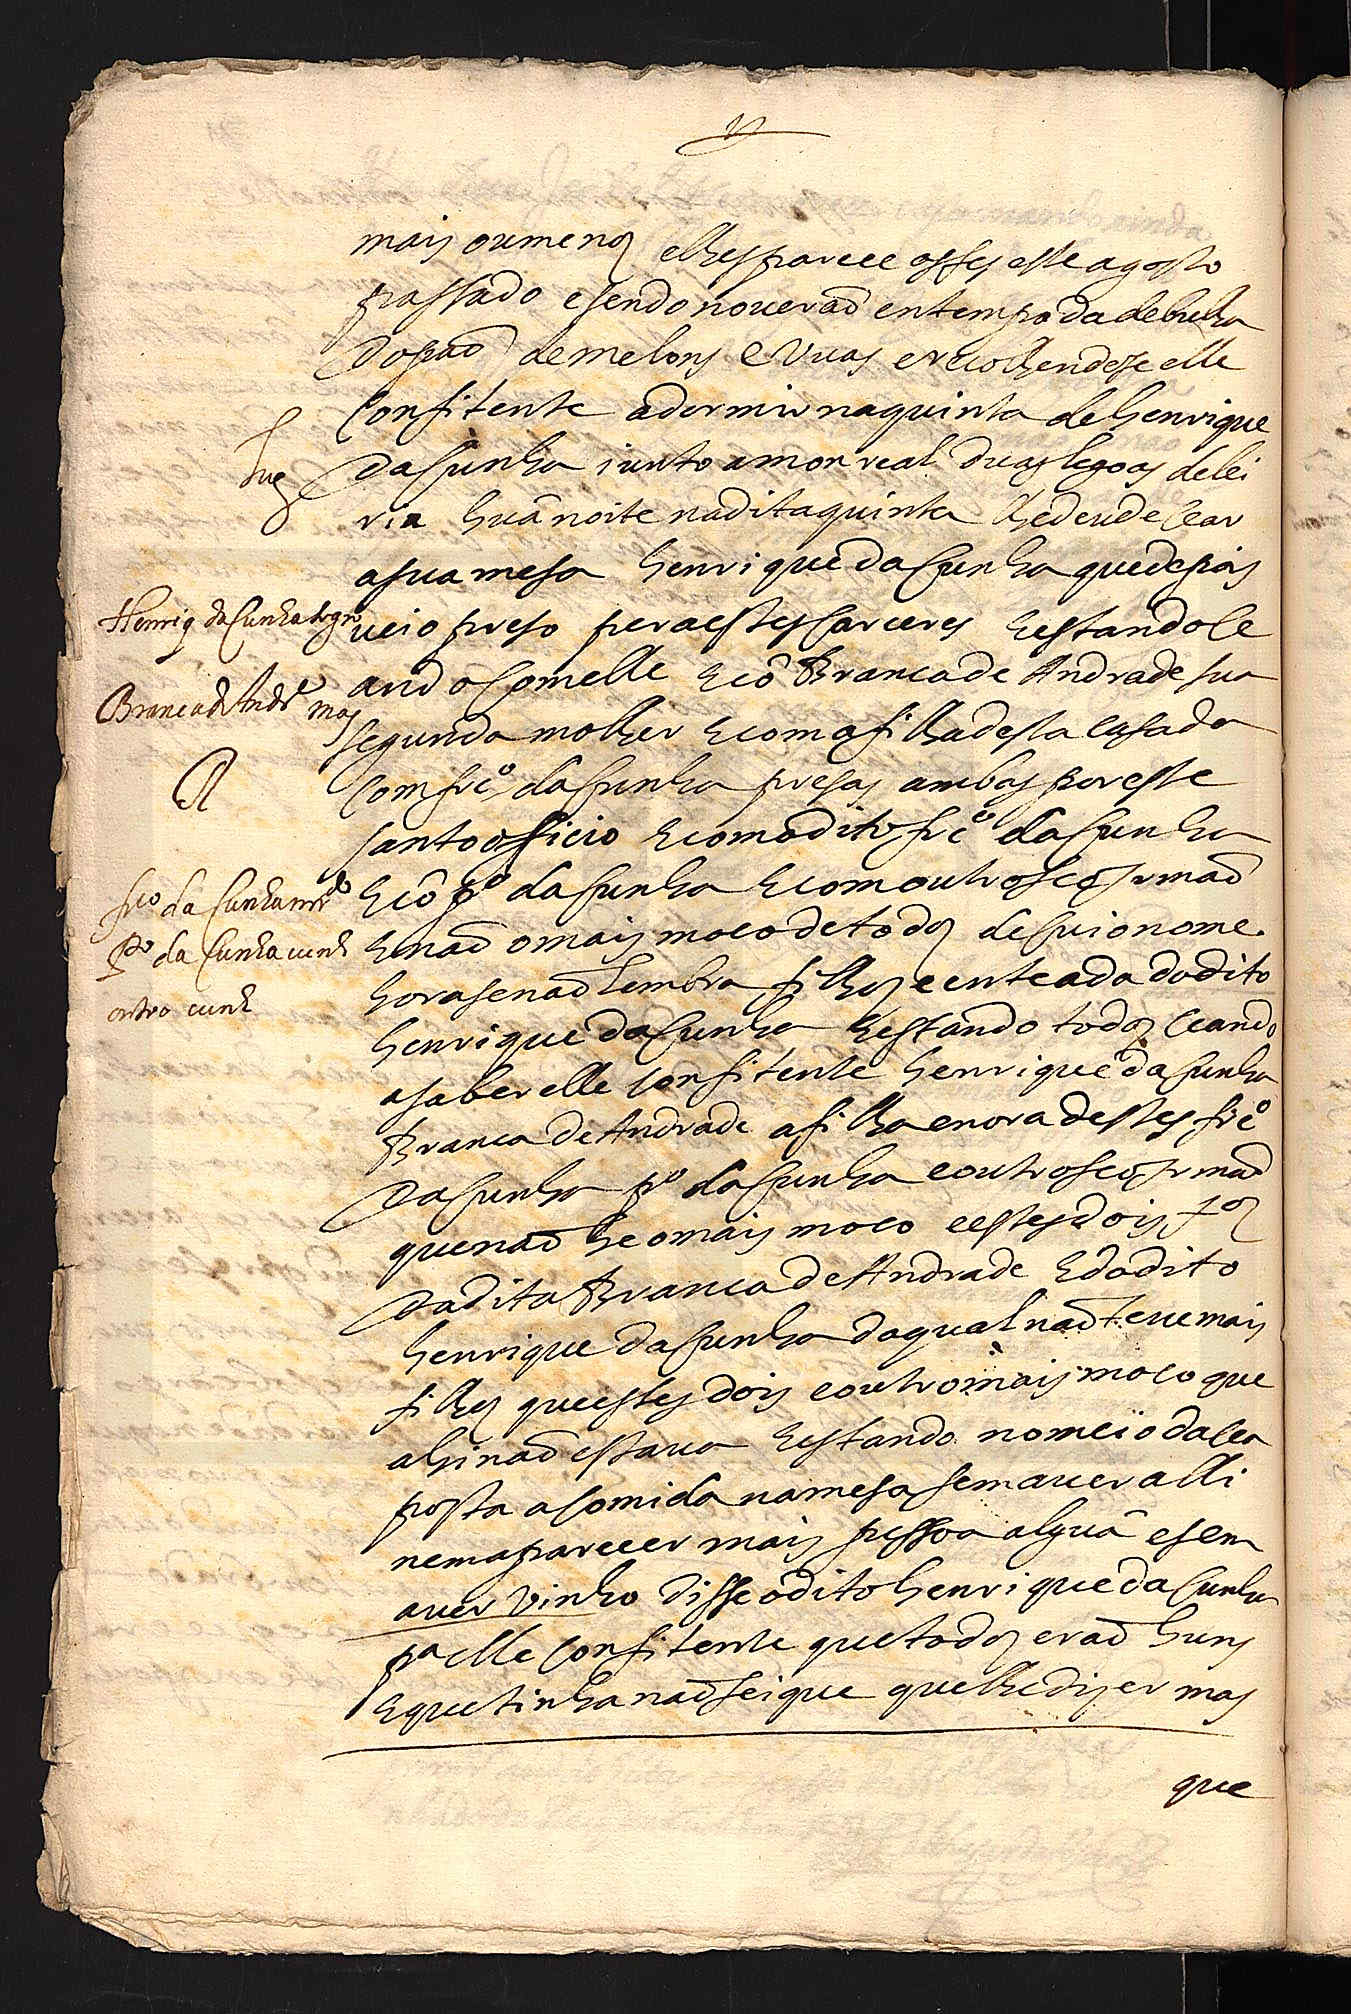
maio ou menos e lhes parece as fes este agosto
passado e sendo no uerão en tempo da debulha
do pão de melons e vuas e recolhendose elle
Confitente a dormir na quinta de henrique
da Cunha iunto a mon real duas legoas de lei
Lug
ria huā noite na dita quinta lhe deu de Cear
a sua mesa henrique da Cunha que depois
Henriq da Cunha sogro
ueio preso pera estes Carceres E estando Ce
ando Com elle E cō Branca de Andrade sua
Branca de Andre
segunda molher E com a filha desta casada
Com frco da Cunha presas ambas por este
R
santo officio E com o dito frco da Cunha
E cō po da Cunha E com outro seo jrmão
E não o mais moco de todos de Cuio nome
hora se não Lembra filhos e enteada do dito
henrique da Cunha – E estando todos ceando
a saber elle confitente henrique da Cunha
Branca de Andrade a filha e nora destes frco
da Cunha po da Cunha e outro seo jrmão
que naõ he o mais moco e estes dois fos
da dita Branca de Andrade E do dito
henrique da Cunha do qual não teue mais
filhos que estes dois e outro mais moco que
ahi não estaua E estando nomeio da cea
posta a Comida na mesa sem auer alli
nem aparecer mais pessoa alguā e sem
auer vinho disse o dito henrique da Cunha
pa elle Confitente que todos eraõ huns
E que tinha naõ sei que quer lhe dizer mas
que
frco da Cunha mrdo
Po da Cunha cunh
outro cunh
